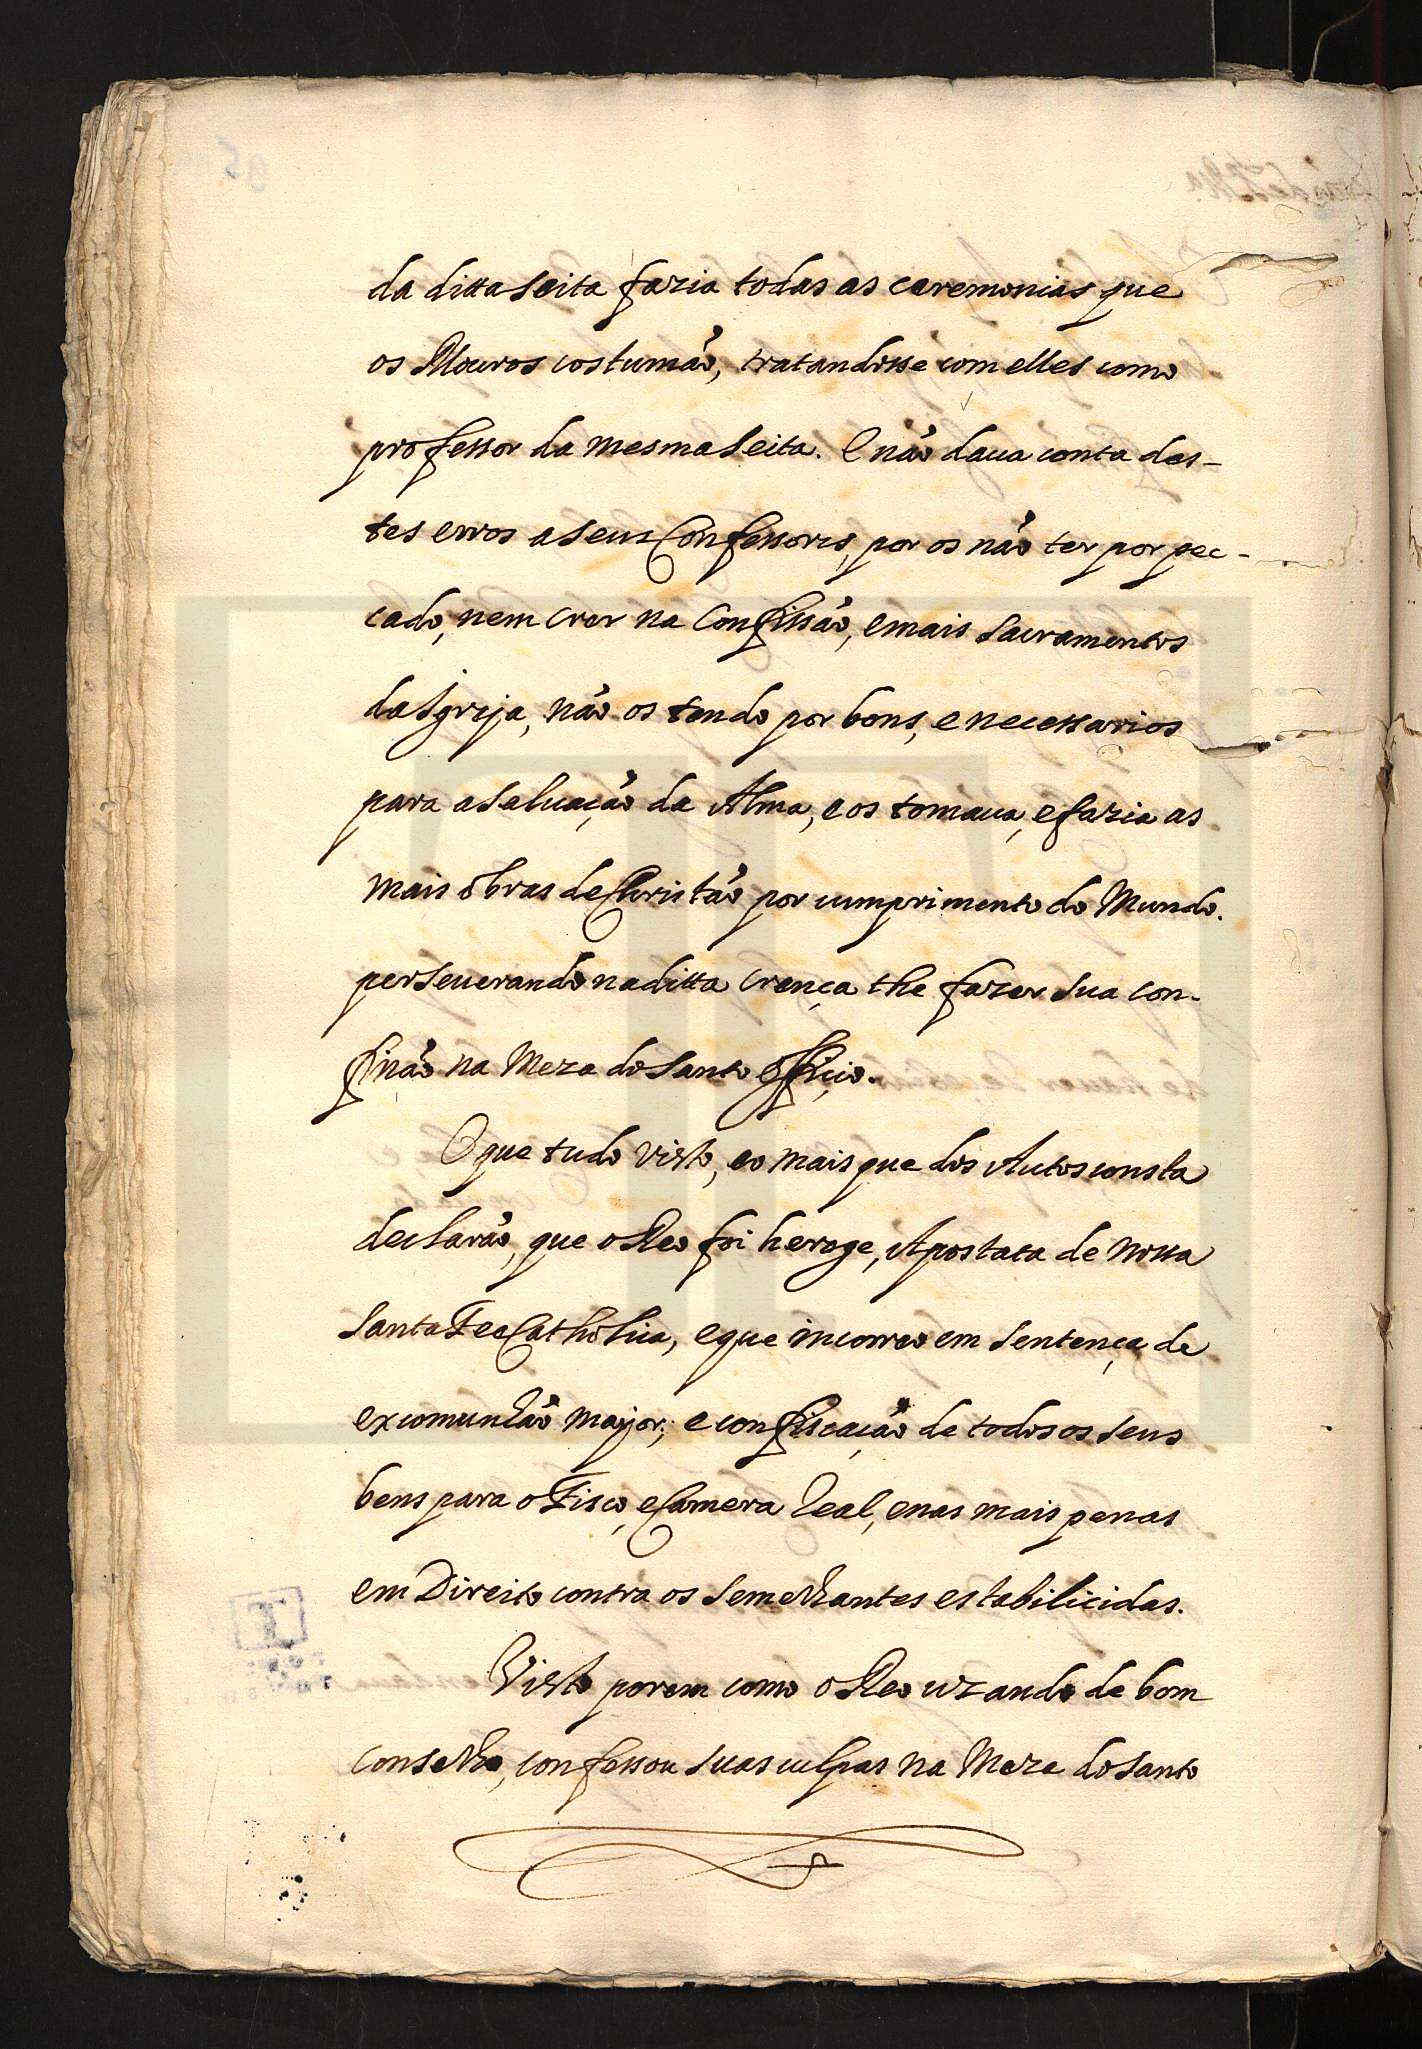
da ditta seita fazia todas as ceremonias que
os Mouros costumaõ, tratandosse com elles como
professor da mesma seita. E naõ daua conta des
tes erros a seus Confessores, por os naõ ter por pec
cado, nem crer na confissaõ, e mais sacramentos
da Jgreja, naõ os tendo por bons, e necessarios
para a saluaçaõ da Alma, e os tomaua, e fazia as
mais obras de Christaõ por cumprimento do Mundo
perseuerando na ditta crença the fazer sua con
fissaõ na Meza do santo Offiçio.
O que tudo visto, e o mais que dos Autos consta
decLaraõ, que o Reo foi herege, Apostata de nossa
santa Fee CathoLica, e que incorreo em sentença de
excomunhaõ mayor; e confiscaçaõ de todos os seus
bens para o Fisco, e Camera Real, e nas mais penas
em Direito contra os semelhantes estabilicidas.
Visto porem como o Reo uzando de bom
conselho, confessou suas culpas na Meza do santo
